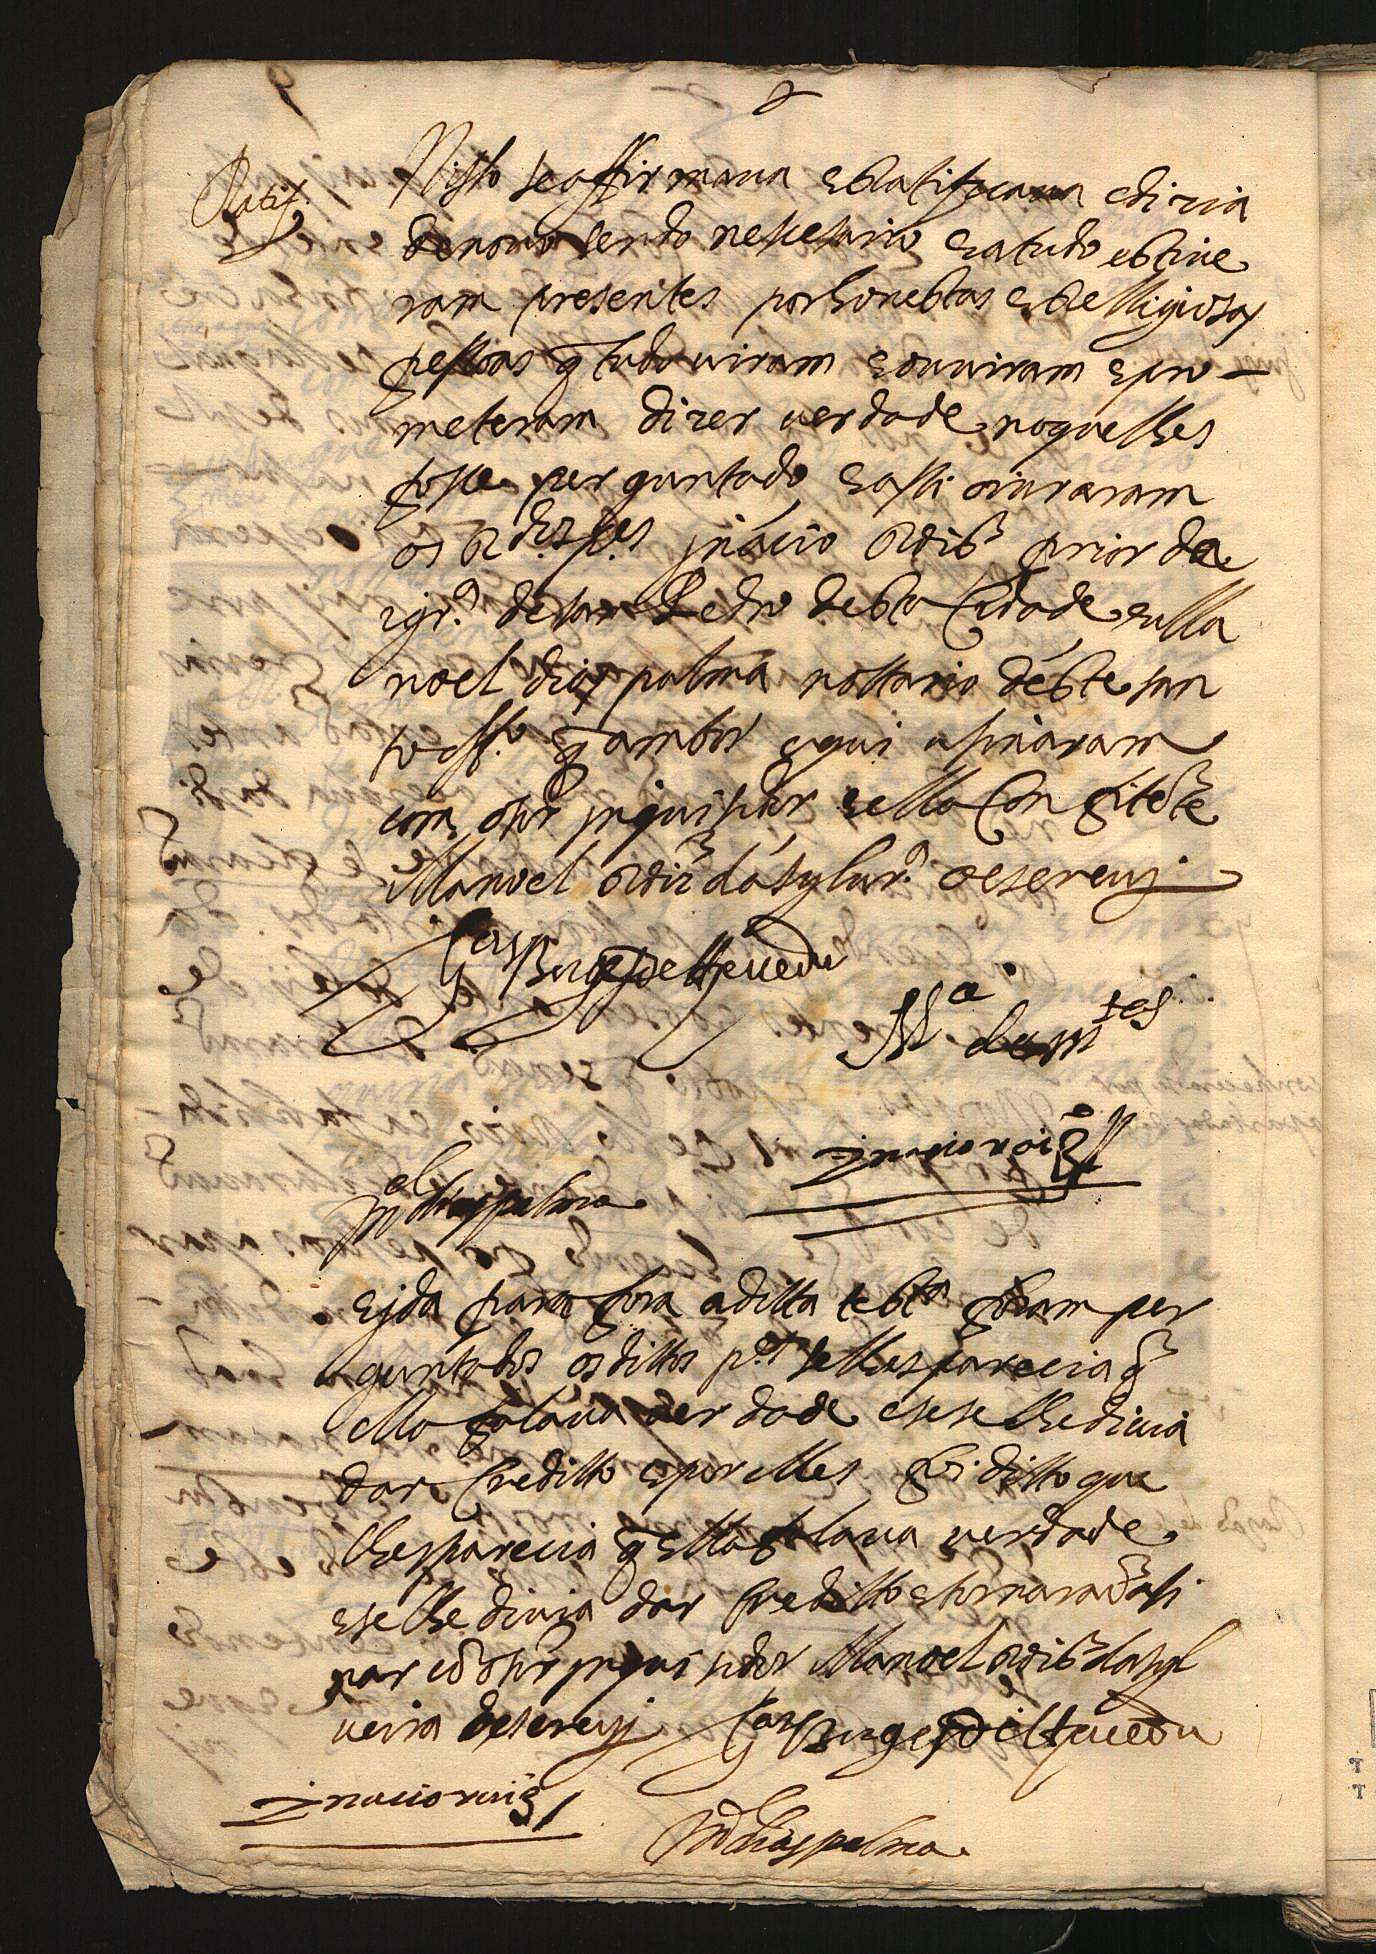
Ratif.
Nisso se affirmaua E Ratificaua e dizia
de nouo sendo nessesario E a tudo estiue
ram presentes por honestas e Relligiozas
pessoas q̄ tudo uiram E ouuiram E pro
meteram dizer uerdade no que lhes
fosse perguntado, E assi o iuraram
os Rdos. p.es jnacio Rois̄ prior da
igr.a de sam Pedro desta Cidade E Ma
noel dias palma nottario deste san
to off.o q̄ ambos aqui asinaram
com o sor̄ jnquisidor E ella Confitēte
Manoel Roiz̄ da sylur.a o escreuj
E ida para fora a ditta testa foram per
guntados os dittos p.es se lhes parecia q̄
ella falaua verdade e se se lhe diuia
dar Creditto E por elles foi ditto que
lhes parecia q̄ Ella falaua uerdade
E se lhe diuia dar Creditto E tornaraõ asi
nar cō o sor̄ jnquisidor Manoel Rois̄ da syl
ueira o escreuj
